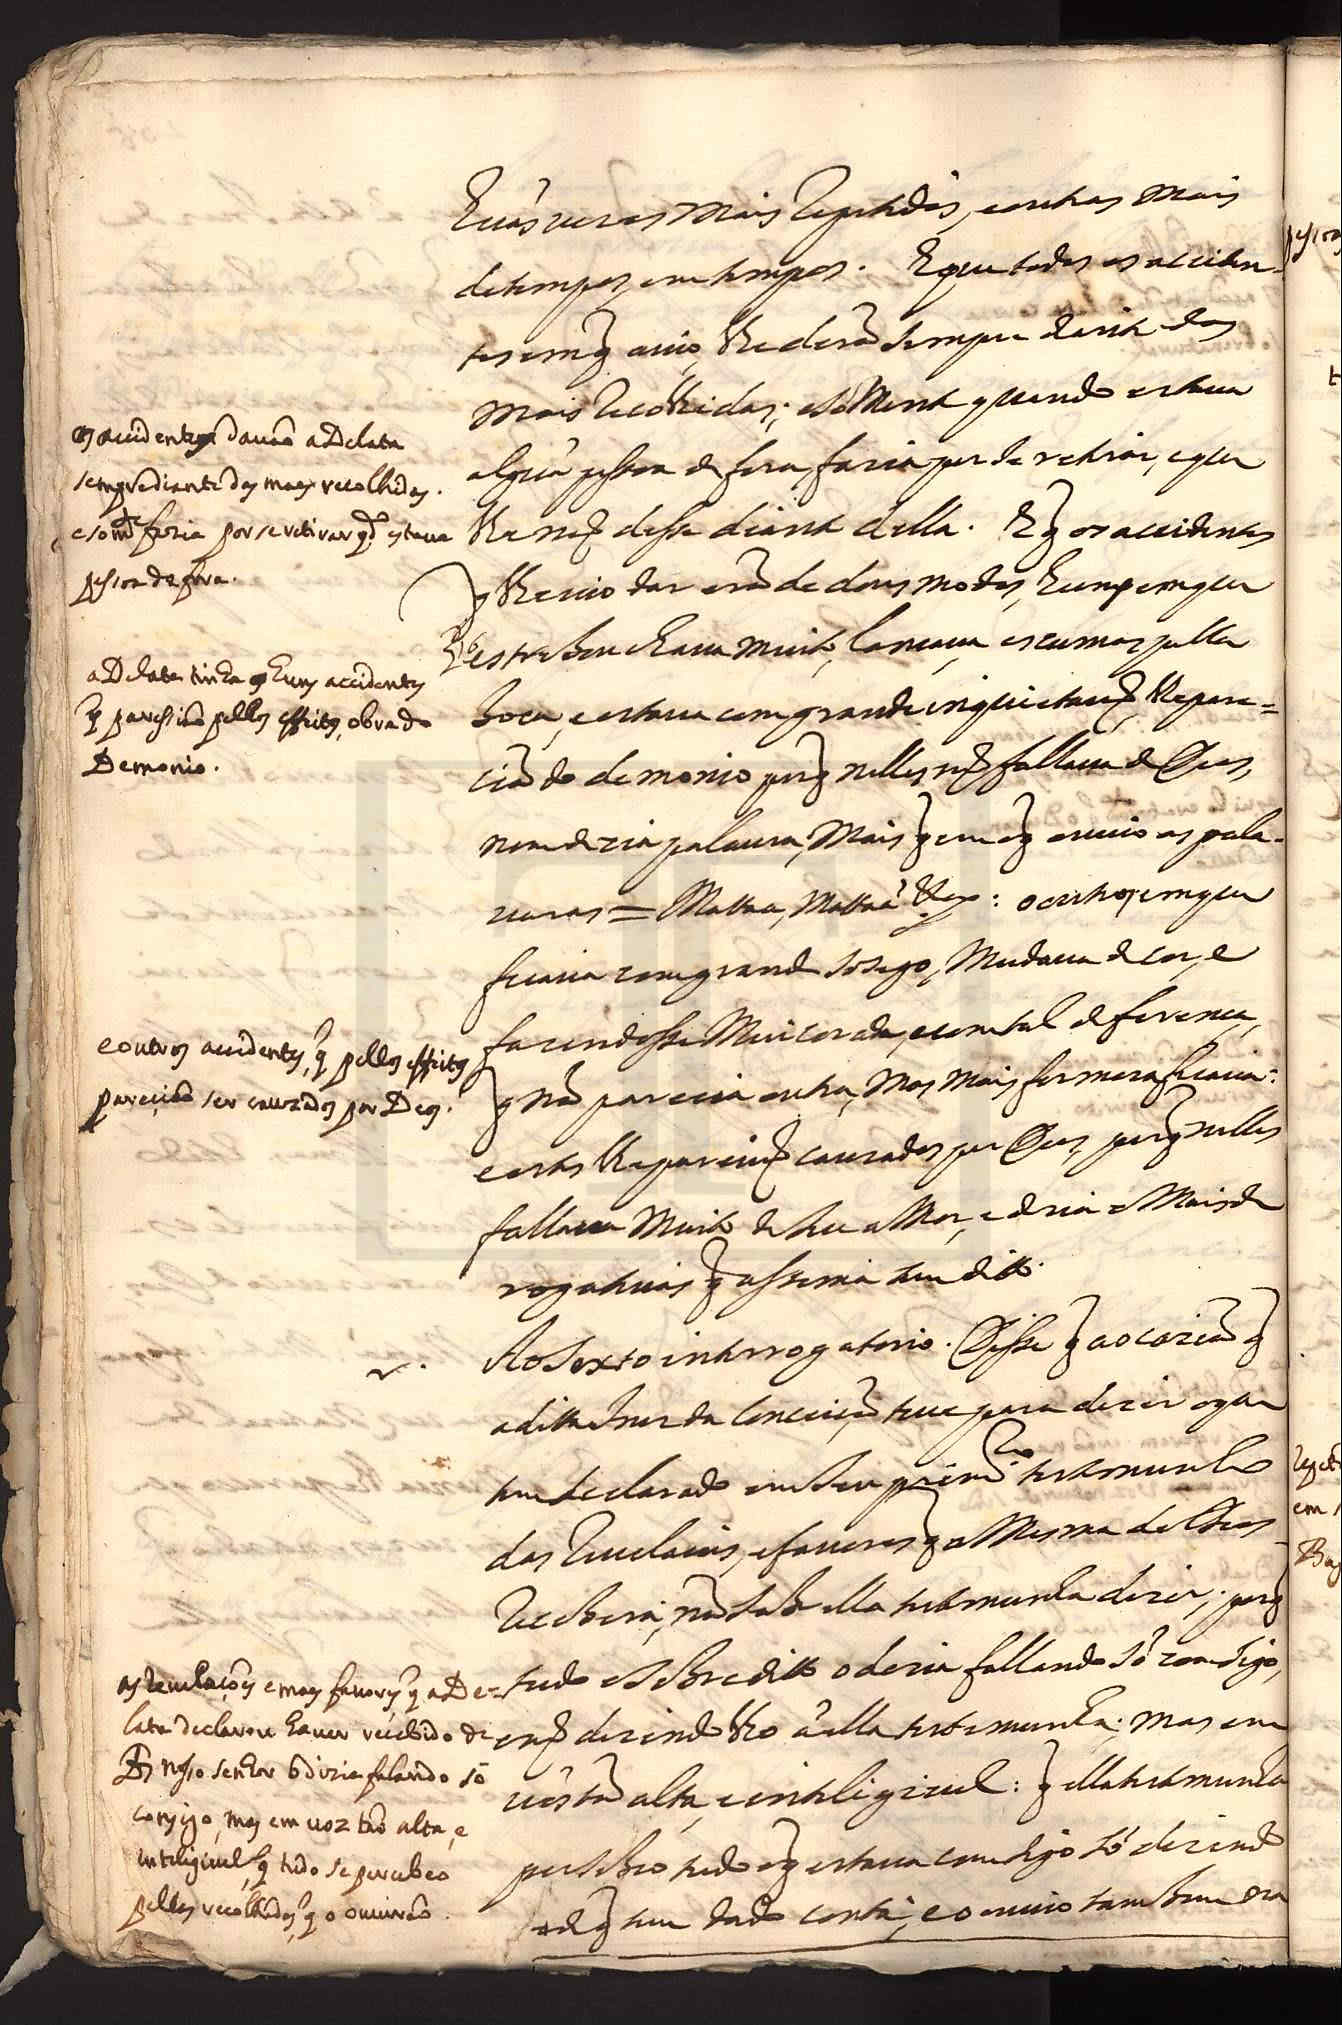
huās uezes mais Repetidas, e outras mais
de tempos em tempos. E que todos os acciden
tes em q̄ a uio lhe deraõ sempre diante das
mais Recolhidas; e soMente quando estaua
os accidentes dauaõ a Delata
sempre diante das mais recolhidas
e somte fazia por se retirar qdo estaua
pessoa de fora.
alguā pessoa de fora, fazia por se retirar, e que
lhe naõ desse diante della; E q̄ os accidentes
q̄ lhe uio dar eraõ de dous modos, huns em que
Estrebouchaua muito, lançaua escumas pella
a Delato tinha os huns accidentes
q̄ paressiaõ pellos effeitos, obra do
Demonio.
boca, e estaua com grande inquietaçaõ, lhe para
cia do demonio porq̄ nelles não fallaua de Deos,
nem dizia palaura, mais q̄ em o q̄ ouuio as pala
uaras = Mattaa, Mattaa &cꝭ: o outros em que
ficaua com grando sosego, mudaua de cor, e
fazendosse Mui corada, e com tal deferença
e outros accidentes, q̄ pellos effeitos
pareciaõ ser cauzados por Deos
q̄ naõ parecia outra, mas mais fermoza ficaua
e estes lhe pareciaõ cauzados por Deos, porq̄ nelles
fallaua muito de seu amor, e dezia e mais de
rogatiuas q̄ assima tem ditto.
Ao Sexto interrogatorio. Disse q̄ a ocaziaõ q̄
a ditta Ines da Conceiçaõ teue para dizer o que
tem declarado em seu prim.ro testemunho
das Reuelaçois, e fauores q̄ a mesma de Deos
Recebera, naõ sabe ella testemunha dizer, porq̄
as Reuelações, e mais fauores q̄ a De
lata declarou hauer recebido de
Ds̄ nosso senhor o dizia falando só
consigo, mas em uoz taõ alta, e
intelligiuel, q̄ tudo se percebeo
pellas recolhidas, q̄ o ouuirão.
tudo o sobreditto o dizia fallando só comsigo,
e naõ dizendo lho á ella testemunha; mas em
uós taõ alta, e inteligiuel: q̄ ella testemunha
persebeo tudo o q̄ estaua comsigo só dizendo
e de q̄ tem dado conta, e o ouuio tambem na
